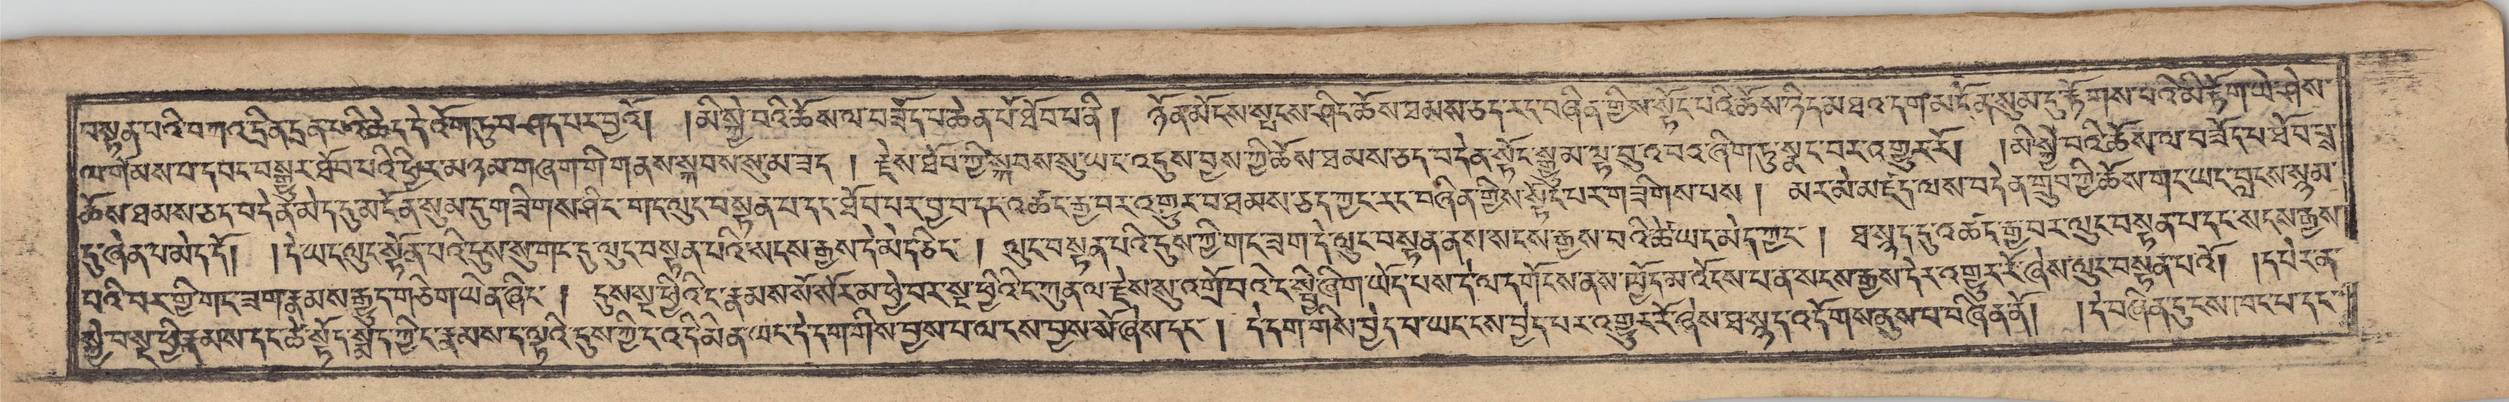བསྟན་པའི་བཀའ་དྲིན་དྲན་པའི་ཆེད་དེ་འོག་ཏུ་བཤད་པར་བྱའོ། །མི་སྐྱེ་བའི་ཆོས་ལ་བཟོད་པ་ཆེན་པོ་ཐོབ་པ་ནི། ཉོན་མོངས་སྤངས་ཤིང་ཆོས་ཐམས་ཅད་རང་བཞིན་གྱིས་སྟོང་པའི་ཆོས་ཉིད་མཐའ་དག་མངོན་སུམ་དུ་རྟོགས་པའི་མི་རྟོག་ཡེ་ཤེས་
ལ་གོམས་པ་དབང་བསྒྱུར་ཐོབ་པའི་ཕྱིར་མཉམ་གཞག་གི་གནས་སྐབས་སུ་མ་ཟད་། རྗེས་ཐོབ་ཀྱི་སྐབས་སུ་ཡང་འདུས་བྱས་ཀྱི་ཆོས་ཐམས་ཅད་བདེན་སྟོང་སྒྱུ་མ་ལྟ་བུ་འབའ་ཞིག་ཏུ་སྣང་བར་འགྱུར་རོ། །མི་སྐྱེ་བའི་ཆོས་ལ་བཟོད་པ་ཐོབ་པས་
ཆོས་ཐམས་ཅད་བདེན་མེད་དུ་མངོན་སུམ་དུ་གཟིགས་ཤིང་གང་ལུང་བསྟན་པ་དང་ཐོབ་པར་བྱ་བ་དང་འཚང་རྒྱ་བར་འགྱུར་བ་ཐམས་ཅད་ཀྱང་རང་བཞིན་གྱིས་སྟོང་པར་གཟིགས་པས། མར་མེ་མཛད་ལས་བདེན་གྲུབ་ཀྱི་ཆོས་གང་ཡང་བླངས་སྙམ་
དུ་ཞེན་པ་མེད་དོ། །དེ་ཡང་ལུང་སྟོན་པའི་དུས་སུ་གང་དུ་ལུང་བསྟན་པའི་སངས་རྒྱས་དེ་མེད་ཅིང་། ལུང་བསྟན་པའི་དུས་ཀྱི་གང་ཟག་དེ་ལུང་བསྟན་ནས་སངས་རྒྱས་པའི་ཚེ་ང་མེད་ཀྱང་། ཐ་སྙད་དུ་འཚང་རྒྱ་བར་ལུང་བསྟན་པ་དང་སངས་རྒྱས་
པའི་བར་གྱི་གང་ཟག་རྣམས་རྒྱུད་གཅིག་ཡིན་ཞིང་། དུས་སྔ་ཕྱིའི་ང་རྣམས་སོ་སོར་མ་ཕྱེ་བར་སྔ་ཕྱིའི་ང་ཀུན་ལ་རྗེས་སུ་འགྲོ་བའི་ང་སྤྱི་ཞིག་ཡོད་པས་དེ་ལ་དགོངས་ནས་ཁྱོད་མ་འོངས་པ་ན་སངས་རྒྱས་དེར་འགྱུར་རོ་ཞེས་ལུང་བསྟན་པའོ། །དཔེར་ན་
སྐྱེ་བ་སྔ་ཕྱི་རྣམས་དང་ཚེ་སྟོད་སྨད་ཀྱི་ང་རྣམས་ད་ལྟའི་དུས་ཀྱི་ང་འདི་མིན་ཡང་དེ་དག་གིས་བྱས་པ་ལ་ངས་བྱས་སོ་ཞེས་དང་། དེ་དག་གིས་བྱེད་པ་ཡང་ངས་བྱེད་པར་འགྱུར་རོ་ཞེས་ཐ་སྙད་འདོགས་ནུས་པ་བཞིན་ནོ། །དེ་བཞིན་དུ་ངས་ཁང་པ་དང་